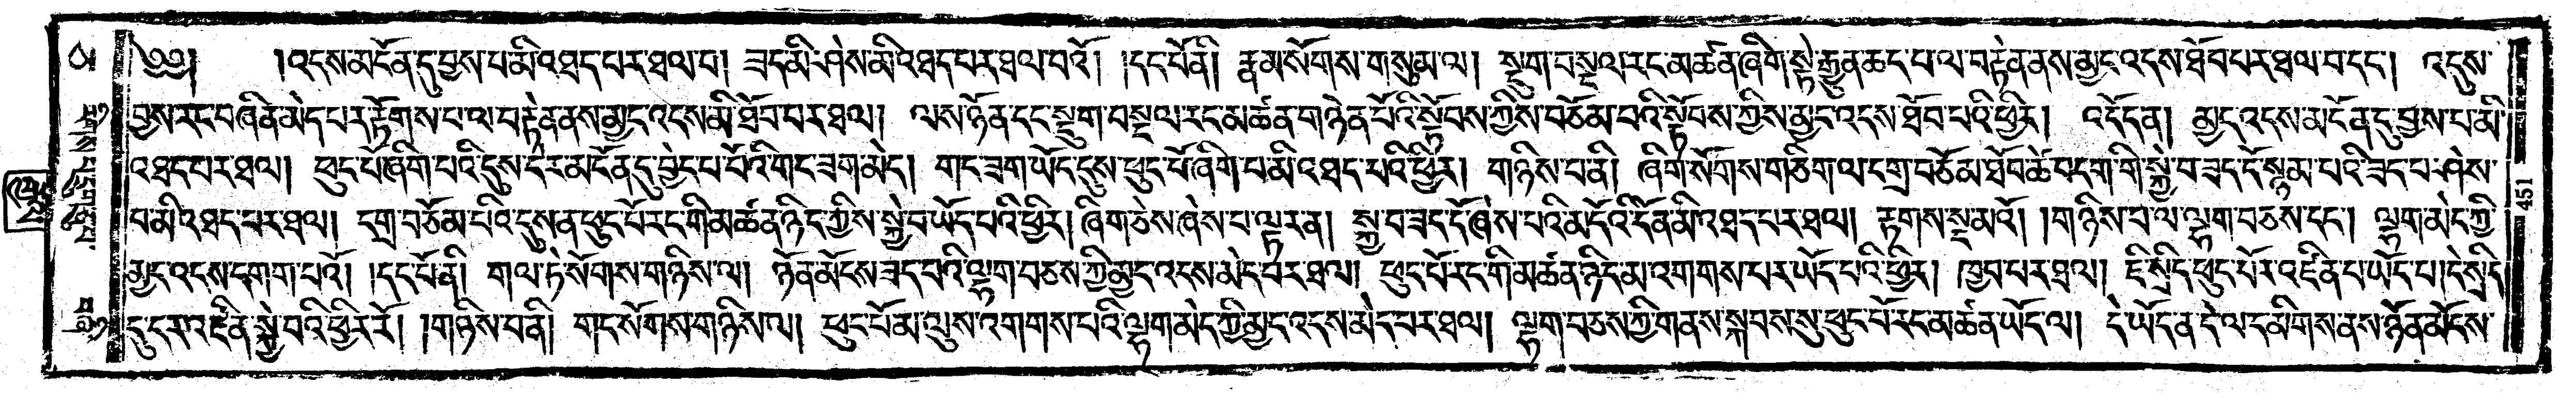༄༅། །འདས་མངོན་དུ་བྱས་པ་མི་འཐད་པར་ཐལ་བ། ཟད་མི་ཤེས་མི་འཐད་པར་ཐལ་བའོ། །དང་པོ་ནི། རྣམ་སོགས་གསུམ་ལ། སྡུག་བསྔལ་རང་མཚན་ཞིག་སྟེ་རྒྱུན་ཆད་པ་ལ་བརྟེན་ནས་མྱང་འདས་ཐོབ་པར་ཐལ་བ་དང་། འདུས་
བྱས་རང་བཞིན་མེད་པར་རྟོགས་པ་ལ་བརྟེན་ནས་མྱང་འདས་མི་ཐོབ་པར་ཐལ། ལས་ཉོན་དང་སྡུག་བསྔལ་རང་མཚན་གཉེན་པོའི་སྟོབས་ཀྱིས་བཅོམ་པའི་སྟོབས་ཀྱིས་མྱང་འདས་ཐོབ་པའི་ཕྱིར། འདོད་ན། མྱང་འདས་མངོན་དུ་བྱས་པ་མི་
འཐད་པར་ཐལ། ཕུང་པོ་ཞིག་པའི་དུས་དེར་མངོན་དུ་བྱེད་པ་པོའི་གང་ཟག་མེད། གང་ཟག་ཡོད་དུས་ཕུང་པོ་ཞིག་པ་མི་འཐད་པའི་ཕྱིར། གཉིས་པ་ནི། ཞིག་སོགས་གཅིག་ལ་དགྲ་བཅོམ་ཐོབ་ཚེ་བདག་གི་སྐྱེ་བ་ཟད་དོ་སྙམ་པའི་ཟད་པ་ཤེས་
པ་མི་འཐད་པར་ཐལ། དགྲ་བཅོམ་པའི་དུས་ན་ཕུང་པོ་རང་གི་མཚན་ཉིད་ཀྱིས་སྐྱེ་བ་ཡོད་པའི་ཕྱིར། ཞིག་ཅེས་ཞེས་པ་ལྟར་ན། སྐྱེ་བ་ཟད་དོ་ཞེས་པའི་མདོའི་དོན་མི་འཐད་པར་ཐལ། རྟགས་སྔ་མའོ། །གཉིས་པ་ལ་ལྷག་བཅས་དང་། ལྷག་མེད་ཀྱི་
མྱང་འདས་དགག་པའོ། །དང་པོ་ནི། གལ་ཏེ་སོགས་གཉིས་ལ། ཉོན་མོངས་ཟད་པའི་ལྷག་བཅས་ཀྱི་མྱང་འདས་མེད་པར་ཐལ། ཕུང་པོ་རང་གི་མཚན་ཉིད་མ་འགགས་པར་ཡོད་པའི་ཕྱིར། ཁྱབ་པར་ཐལ། ཇི་སྲིད་ཕུང་པོར་འཛིན་པ་ཡོད་པ། དེ་སྲིད་
དུ་ངར་འཛིན་སྐྱེ་བའི་ཕྱིར་རོ། །གཉིས་པ་ནི། གང་སོགས་གཉིས་ལ། ཕུང་པོ་མ་ལུས་འགགས་པའི་ལྷག་མེད་ཀྱི་མྱང་འདས་མེད་པར་ཐལ། ལྷག་བཅས་ཀྱི་གནས་སྐབས་སུ་ཕུང་པོ་རང་མཚན་ཡོད་ལ། དེ་ཡོད་ན་དེ་ལ་དམིགས་ནས་ཉོན་མོངས་